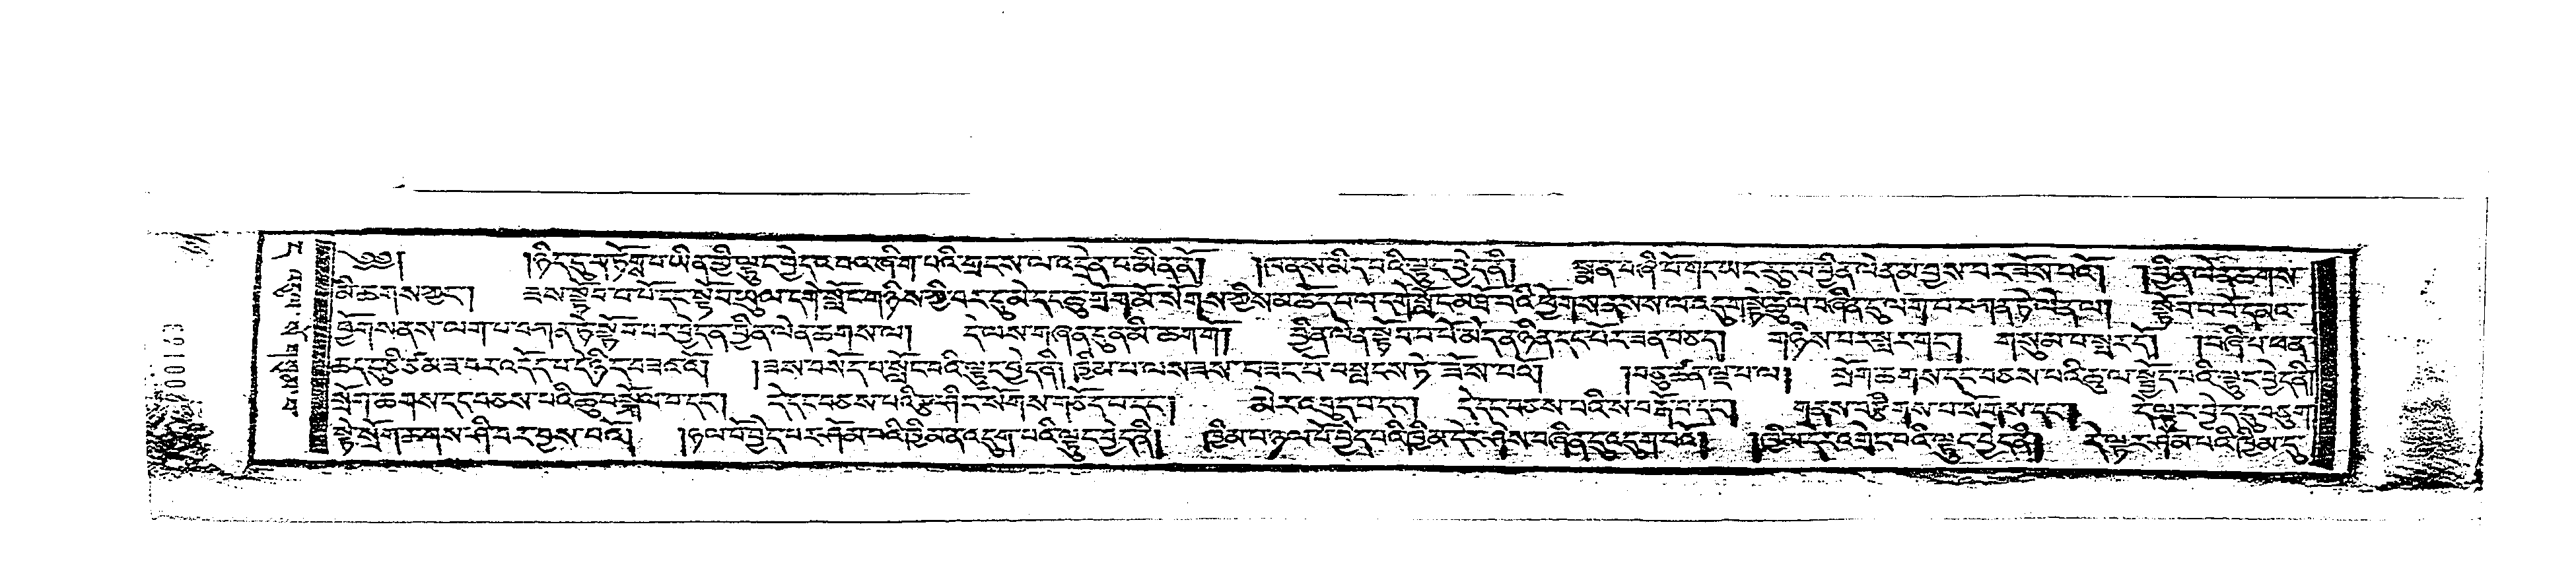༄༅། །ཉིད་དུ་གཏོགས་པ་ཡིན་གྱི་ལྟུང་བྱེད་འབའ་ཞིག་པའི་གྲངས་ལ་འདྲེན་པ་མིན་ནོ། །ཁ་ནས་མིད་པའི་ལྟུང་བྱེད་ནི། སྨན་བཞི་པོ་གང་ཡང་རུང་བ་བྱིན་ལེན་མ་བྱས་པར་ཟོས་པའོ། །བྱིན་ལེན་ཆགས་
མི་ཆགས་ཀྱང་། ཟས་སྟོབ་པ་པོ་དང་སྟོབ་ཡུལ་དགེ་སློང་གཉིས་ཀྱི་བར་དུ་མེ་དང་ཆུ་གྲོག་མོ་སོགས་ཀྱིས་མཆོད་པ་ལ་དགེ་སློང་མཐོ་བའི་ཕྱོགས་ནས་ས་ལ་འདུག་སྟེ་ཚུལ་བཞིན་དུ་ལག་པ་བཀན་ཏེ་ལེན་ལ། སྟོབ་པ་པོ་དམའ་
ཕྱོགས་ནས་ལག་པ་བཀན་ཏེ་སྟོབ་པར་བྱེད་ན་བྱིན་ལེན་ཆགས་ལ། དེ་ལས་གཞན་དུ་ན་མི་ཆག་གོ། བྱིན་ལེན་སྟོབ་པ་པོ་མེད་ན་ཉིན་དང་པོར་ཟན་བཅད། གཉིས་པར་སྤར་གང་། གསུམ་པ་སྤར་དོ། །བཞི་པ་ཕན་
ཆད་དུ་ཅི་ཙམ་ཟ་བར་འདོད་པ་དེ་ཉིད་བཟའ་འོ། །ཟས་བསོད་པ་སློང་བའི་ལྟུང་བྱེད་ནི། ཁྱིམ་པ་ལས་ཟས་བཟང་པོ་བསླངས་ཏེ་ཟོས་པའོ། །བཅུ་ཚན་ལྔ་པ་ལ། སྲོག་ཆགས་དང་བཅས་པའི་ཆུ་ལ་སྤྱོད་པའི་ལྟུང་བྱེད་ནི།
སྲོག་ཆགས་དང་བཅས་པའི་ཆུ་བསྐོལ་བ་དང་། དེ་དང་བཅས་པའི་རྩ་ཤིང་སོགས་གཅོད་པ་དང་། མེར་འབུད་པ་དང་། དེ་དང་བཅས་པའི་ས་བརྒོ་བ་དང་། གནས་བརྩིགས་པ་སོགས་དང་། དེ་ལྟར་བྱེད་དུ་བཅུག་
སྟེ་སྲོག་ཆགས་ཤི་བར་བྱས་པའོ། །ཉལ་པོ་བྱེད་པར་ཤོམ་པའི་ཁྱིམ་ན་འདུག་པའི་ལྟུང་བྱེད་ནི། ཁྱིམ་པ་ཉལ་པོ་བྱེད་པའི་ཁྱིམ་དེར་ཤེས་བཞིན་དུ་འདུག་པའོ། །ཁྱིམ་དེར་འགྲེང་བའི་ལྟུང་བྱེད་ནི། དེ་ལྟར་ཤོམ་པའི་ཁྱིམ་དུ་